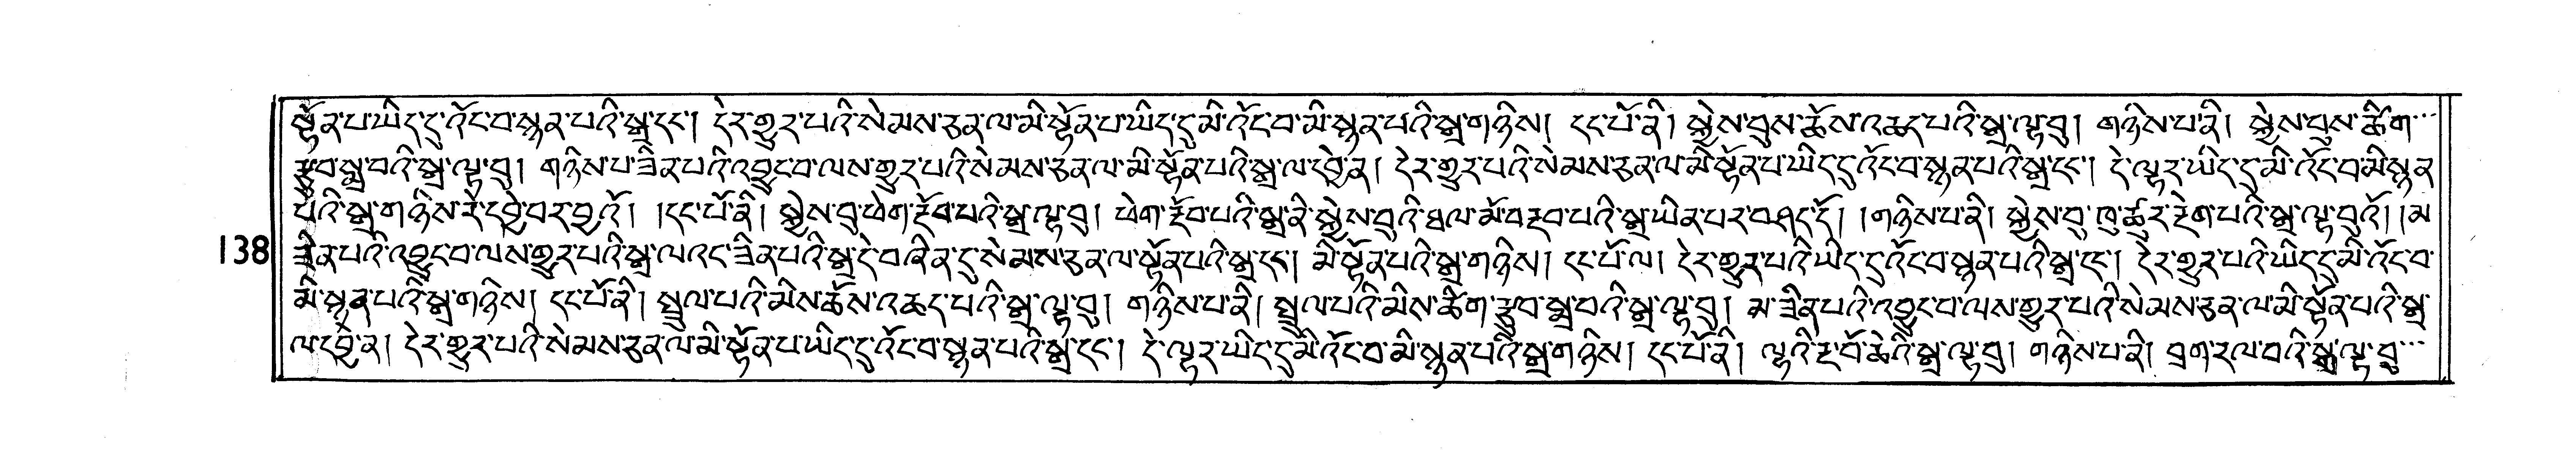སྟོན་པ་ཡིད་དུ་འོང་བ་སྙན་པའི་སྒྲ་དང་། དེར་གྱུར་པའི་སེམས་ཅན་ལ་མི་སྟོན་པ་ཡིད་དུ་མི་འོང་བ་མི་སྙན་པའི་སྒྲ་གཉིས། དང་པོ་ནི། སྐྱེས་བུས་ཆོས་འཆད་པའི་སྒྲ་ལྟ་བུ། གཉིས་པ་ནི། སྐྱེས་བུས་ཚིག་
རྩུབ་སྨྲ་བའི་སྒྲ་ལྟ་བུ། གཉིས་པ་ཟིན་པའི་འབྱུང་བ་ལས་གྱུར་པའི་སེམས་ཅན་ལ་མི་སྟོན་པའི་སྒྲ་ལ་དབྱེ་ན། དེར་གྱུར་པའི་སེམས་ཅན་ལ་མི་སྟོན་པ་ཡིད་དུ་འོང་བ་སྙན་པའི་སྒྲ་དང་། དེ་ལྟར་ཡིད་དུ་མི་འོང་བ་མི་སྙན་
པའི་སྒྲ་གཉིས་རེ་དབྱེ་བར་བྱའོ། །དང་པོ་ནི། སྐྱེས་བུ་ཕེག་རྡོབ་པའི་སྒྲ་ལྟ་བུ། ཕེག་རྡོབ་པའི་སྒྲ་ནི་སྐྱེས་བུའི་ཐལ་མོ་བརྡབ་པའི་སྒྲ་ཡིན་པར་བཤད་དོ། །གཉིས་པ་ནི། སྐྱེས་བུ་ཁ་ཚུར་རྡེག་པའི་སྒྲ་ལྟ་བུའོ། །མ་
ཟིན་པའི་འབྱུང་བ་ལས་གྱུར་པའི་སྒྲ་ལའང་ཟིན་པའི་སྒྲ་དེ་བཞིན་དུ་སེམས་ཅན་ལ་སྟོན་པའི་སྒྲ་དང་། མི་སྟོན་པའི་སྒྲ་གཉིས། དང་པོ་ལ། དེར་གྱུར་པའི་ཡིད་དུ་འོང་བ་སྙན་པའི་སྒྲར་དང་། དེར་གྱུར་པའི་ཡིད་དུ་མི་འོང་བ་
མི་སྙན་པའི་སྒྲ་གཉིས། དང་པོ་ནི། སྤྲུལ་པའི་མིས་ཆོས་འཆད་པའི་སྒྲ་ལྟ་བུ། གཉིས་པ་ནི། སྤྲུལ་པའི་མིས་ཚིག་རྩུབ་སྨྲ་བའི་སྒྲ་ལྟ་བུ། མ་ཟིན་པའི་འབྱུང་བ་ལས་གྱུར་པའི་སེམས་ཅན་ལ་མི་སྟོན་པའི་སྒྲ་
ལ་དབྱེ་ན། དེར་གྱུར་པའི་སེམས་ཅན་ལ་མི་སྟོན་པ་ཡིད་དུ་འོང་བ་སྙན་པའི་སྒྲ་དང་། དེ་ལྟར་ཡིད་དུ་མི་འོང་བ་མི་སྙན་པའི་སྒྲ་གཉིས། དང་པོ་ནི། ལྷའི་རྡ་བོ་ཆེའི་སྒྲ་ལྟ་བུ། གཉིས་པ་ནི། བྲག་རལ་བའི་སྒྲ་ལྟ་བུ་